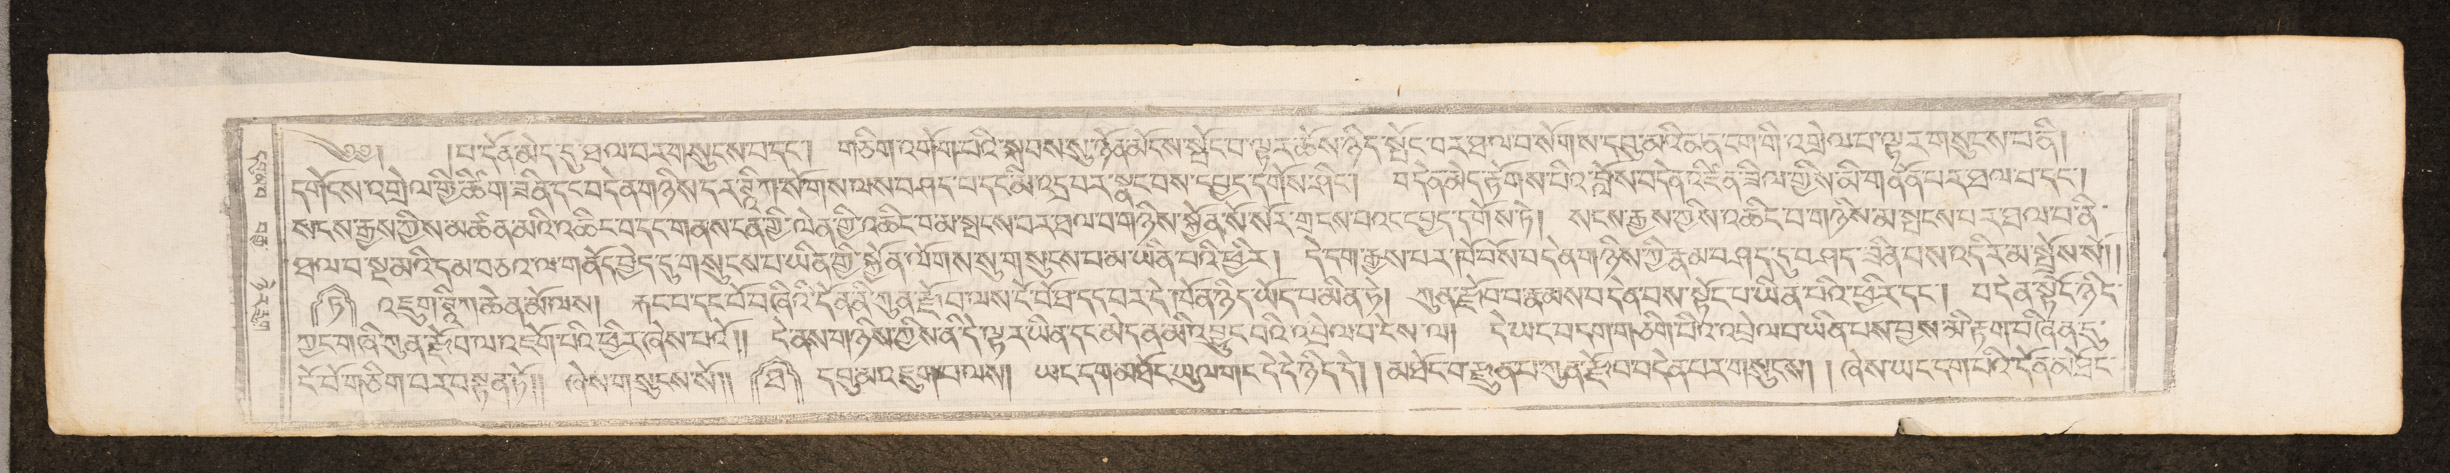༄༅། །པ་དོན་མེད་དུ་ཐལ་བར་གསུངས་པ་དང་། གཅིག་འགོག་པའི་སྐབས་སུ་ཉོན་མོངས་སྤོང་བ་ལྟར་ཆོས་ཉིད་སྤོང་བར་ཐལ་བ་སོགས་དབུ་མའི་མན་ངག་གི་འགྲེལ་བ་ལྟར་གསུངས་པ་ནི་
དགོངས་འགྲེལ་གྱི་ཚིག་ཟིན་དང་བདེན་གཉིས་དར་ཊཱིཀ་སོགས་ལས་བཤད་པ་དང་མི་འདྲ་བར་སྣང་བས་སྤྱད་དགོས་ཤིང་། བདེན་མེད་རྟོགས་པའི་བློས་བདེན་འཛིན་ཟིལ་གྱིས་མིག་གནོན་པར་ཐལ་བ་དང་།
སངས་རྒྱས་ཀྱིས་མཚན་མའི་འཆིང་བ་དང་གནས་ངན་གྱི་ལེན་གྱི་འཆིང་བ་མ་སྤངས་པར་ཐལ་བ་གཉིས་སྐྱོན་སོ་སོར་གྲངས་བའང་དཔྱད་དགོས་ཏེ། སངས་རྒྱས་ཀྱིས་འཆིང་བ་གཉིས་མ་སྤངས་པར་ཐལ་བ་ནི་
ཐལ་བ་སྔ་མའི་དམ་བཅའ་ལག་གནོད་བྱེད་དུ་གསུངས་པ་ཡིན་གྱི་སྐྱོན་ལོགས་སུ་གསུངས་པ་མ་ཡིན་པའི་ཕྱིར། དེ་དག་རྒྱས་པར་ཁོ་བོས་བདེན་གཉིས་ཀྱི་རྣམ་བཤད་དུ་བཤད་ཟིན་པས་འདིར་མ་སྤྲོས་སོ།།
༼༽ཏ༼༽ འཇུག་ཊཱིད་ཆེན་མོ་ལས། རྐང་པ་དང་པོ་བཞིའི་དོན་ནི་ཀུན་རྫོབ་ལས་ངོ་བོ་ཐ་དད་པར་དེ་ཁོ་ན་ཉིད་ཡོད་པ་མིན་ཏེ། ཀུན་རྫོབ་པ་རྣམས་བདེན་པས་སྟོང་པ་ཡིན་པའི་ཕྱིར་དང་། བདེན་སྟོང་ཉིད་
ཀྱང་གཞི་ཀུན་རྫོབ་ལ་འཇོག་པའི་ཕྱིར་ཞེས་པའོ། །དེ་ནས་གཉིས་ཀྱིས་ནི་དེ་ལྟར་ཡིན་དང་མེད་ན་མའི་འབྱུང་བའི་འབྲེལ་བ་ངེས་ལ། དེ་ཡང་བདག་གཅིག་པོའི་འབྲེལ་བ་ཡིན་པས་བྱས་མི་རྟག་བཞིན་དུ་
ངོ་བོ་གཅིག་པར་བསྟན་ཏོ། །ཞེས་གསུངས་སོ།། ༼༽ཐ༼༽ དུབ་མ་འཇུག་པ་ལས། ཡང་དག་མཐོང་ཡུལ་གང་དེ་དེ་ཉིད་དེ། །མཐོང་བ་རྫུན་པས་ཀུན་རྫོབ་བདེན་པར་གསུངས། །ཞེས་ཡང་དག་པའི་དོན་མཐོང་